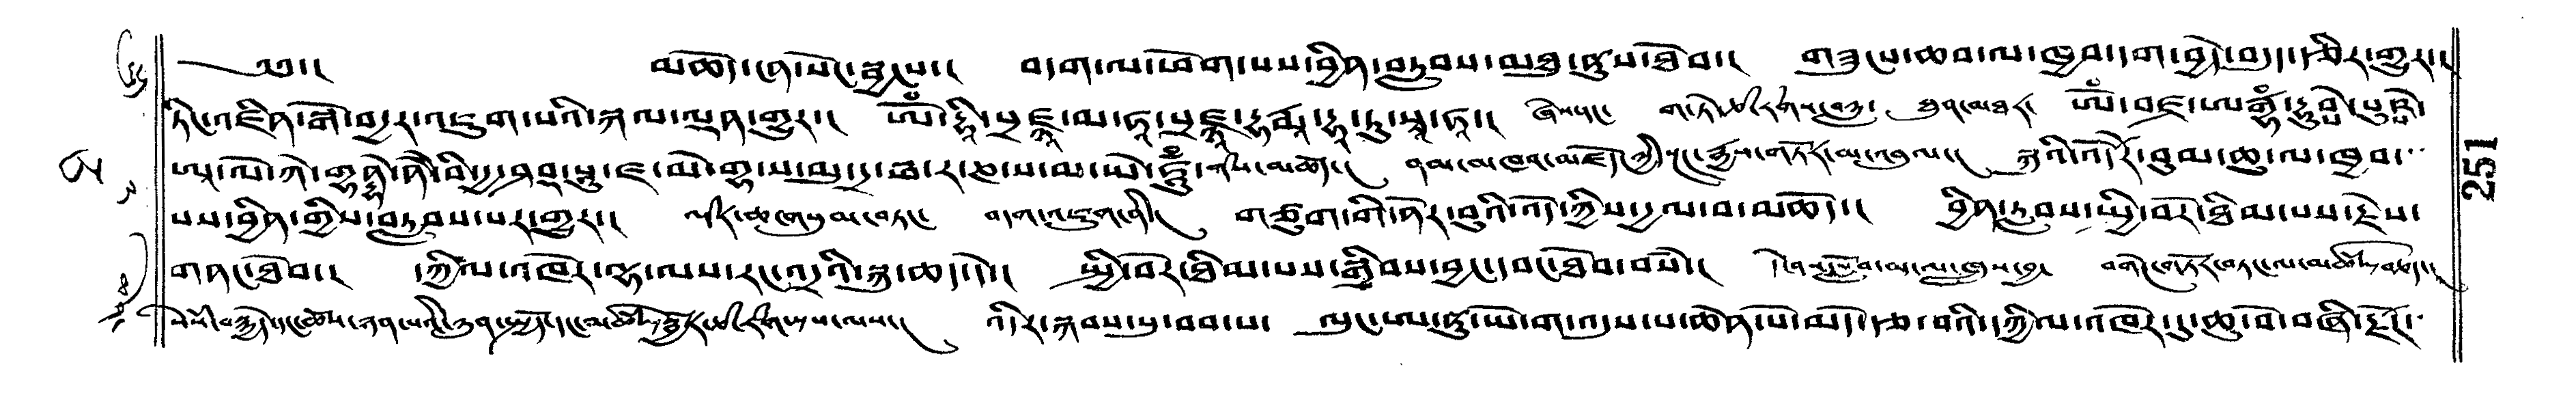མཆོད་ངན་སོང་སྦྱངས། །བདག་ལ་ཕོག་པས་བྱིན་རླབས་མཐུ་ནུས་ཐོབ། །གཟུངས་ཆབ་ལ་ཁྱབ་དག་བྱེད་བདུད་རྩིར་གྱུར། །
ཏིང་འཛིན་སྒོ་བརྒྱར་འཇུག་པའི་སྐལ་ལྡན་གྱུར། ཨོཾ་དྷཱི་པྲཛྙཱ་མ་ཧཱ་པྲཛྙཱ་དྷརྨཱ་དྷཱ་ཏུ་སྭ་ཧཱ། ཞེས་དང་ག་ཏེ་ཅི་རིགས་བཟླ། ཐུན་མཐར། ཨོཾ་བཛྲ་ཨརྒྷཾ་དྷུཔྤེ་པུཥྤེ་
ཨཱ་ལོ་ཀེ་གྷནྡྷེ་ནཻ་ཝི་དྱ་ཤབྡ་པཱུ་ཛ་མེ་གྷ་ས་མུ་དྲ་སྥ་ར་ཎ་ས་མ་ཡེ་ཧཱུྃ། གིས་མཆོད། ནམ་མཁའ་མཛོད་ཀྱི་སྔགས་རྒྱས་གཏོར་མ་འབུལ། སྐུའི་འོད་ཟེར་བུམ་ཆུ་ལ་ཁྱབ་
པས་བྱིན་གྱིས་བརླབས་པར་གྱུར། འདིར་ཆ་གསུམ་གཏང་། བདག་འཇུག་ནི། གཙུག་གི་ནོར་བུའི་འོད་ཀྱི་རྒྱལ་བ་མཆོད། །བྱིན་རླབས་སྤྱི་བོར་ཐིམ་པས་རྗེས་
གནང་ཐོབ། །དཀྱིལ་འཁོར་ལྷ་ལས་རང་འདྲའི་སྐུ་ཆད་དེ། །སྤྱི་བོར་ཐིམ་པས་སྒྲིབ་བྱང་དབང་ཐོབ་བསམ། དེ་ནས་སློབ་མ་ལ་ཁྲུས་བྱ། བགེགས་གཏོར་བཏང་ལ་མཚམས་བཅད། 
སེམས་བསྐྱེད་དང་ཆོས་ཉན་པའི་ཀུན་སྤྱོད་དང་མཚམས་སྦྱོར་ཅི་རིགས་པ་ལས། འདིར་སྐབས་སུ་བབ་པ་ལུང་ཨ་ནུ་ཡོ་ག་འདུས་པ་ཆེན་པོ་མདོ་རྩ་བའི་དཀྱིལ་འཁོར་དུ་ཆུ་བོ་བཞི་རྫོགས་